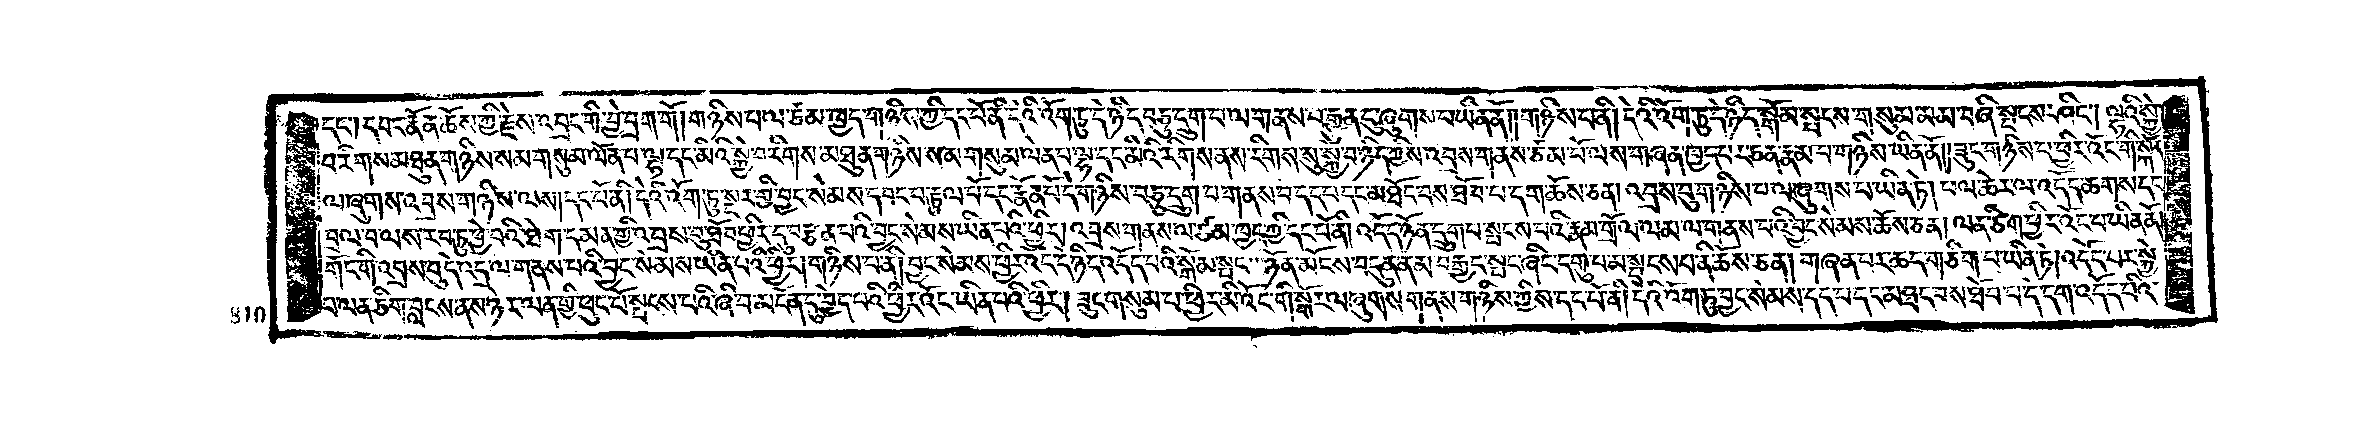དང་། དབང་རྣོན་ཆོས་ཀྱི་རྗེས་འབྲང་གི་བྱེ་བྲག་གོ །གཉིས་པ་ལ་ཙམ་ཁྱད་གཉིས་ཀྱི་དང་པོ་ནི་དེའི་འོག་ཏུ་དེ་ཉིད་བཅུ་དྲུག་པ་ལ་གནས་པ་རྒྱུན་དུ་ཞུགས་པ་ཡིན་ནོ། །གཉིས་པ་ནི། དེའི་འོག་ཏུ་དེ་ཉིད་སྒོམ་སྤངས་གསུམ་མམ་བཞི་སྤངས་ཤིང་། ལྷའི་སྐྱེ་
བ་རིགས་མཐུན་གཉིས་སམ་གསུམ་ལོན་པ་ལྷ་དང་མིའི་སྐྱེ་བ་རིགས་མཐུན་གཉིས་སམ་གསུམ་ལེན་པ་ལྷ་དང་མིའི་རིགས་ནས་རིགས་སུ་སྐྱེ་བ་ཉིད་ཀྱིས་འབྲས་གནས་ཙམ་པོ་ལས་གཞན་ཁྱད་པར་ཅན་རྣམ་པ་གཉིས་ཡིན་ནོ། །ཟུང་གཉིས་པ་ཕྱིར་འོང་གི་སྐོར་
ལ་ཞུགས་འབྲས་གཉིས་ལས། དང་པོ་ནི། དེའི་འོག་ཏུ་སྔར་གྱི་བྱང་སེམས་དབང་པོ་རྟུལ་པོ་དང་རྣོན་པོ་དེ་གཉིས་བཅུ་དྲུག་པ་གནས་པ་དང་པ་དང་མཐོང་བས་ཐོབ་པ་དག་ཆོས་ཅན། འབྲས་བུ་གཉིས་པ་ལ་ཞུགས་པ་ཡིན་ཏེ། ཕལ་ཆེར་ལ་འདོད་ཆགས་དང་
བྲལ་བ་ལས་རབ་ཏུ་ཕྱེ་བའི་ཐེག་དམན་གྱི་འབྲས་བུ་ཐོབ་ཕྱིར་དུ་བརྩོན་པའི་བྱང་སེམས་ཡིན་པའི་ཕྱིར། འབྲས་གནས་ལ་ཙམ་ཁྱད་ཀྱི་དང་པོ་ནི། འདོད་ཉོན་དྲུག་པ་སྤངས་པའི་རྣམ་གྲོལ་ལམ་ལ་གནས་པའི་བྱང་སེམས་ཆོས་ཅན། ལན་ཅིག་ཕྱིར་འོང་པ་ཡིན་ནོ།
གོང་གི་འབྲས་བུ་དེ་འདྲ་ལ་གནས་པའི་བྱང་སེམས་ཡིན་པའི་ཕྱིར། གཉིས་པ་ནི། བྱང་སེམས་ཕྱིར་འོང་དེ་ཉིད་འདོད་པའི་སྒོམ་སྤང་ཉོན་མོངས་བདུན་ནམ་བརྒྱད་སྤང་ཞིང་དགུ་པ་མ་སྤངས་པ་ནི་ཆོས་ཅན། གཞན་པར་ཆད་གཅིག་པ་ཡིན་ཏེ། འདོད་པར་སྐྱེ་
བ་ལན་ཅིག་བླངས་ནས་ཉེར་ལན་གྱི་ཕུང་པོ་སྤངས་པའི་ཞི་བ་མངོན་དུ་བྱེད་པའི་ཕྱིར་འོང་ཡིན་པའི་ཕྱིར། ཟུང་གསུམ་པ་ཕྱིར་མི་འོང་གི་སྒོར་ལ་ཞུགས་གནས་གཉིས་ཀྱིས་དང་པོ་ནི། དེའི་འོག་ཏུ་བྱང་སེམས་དད་པ་དང་མཐོང་བས་ཐོབ་པ་དེ་དག་འདོད་པའི་